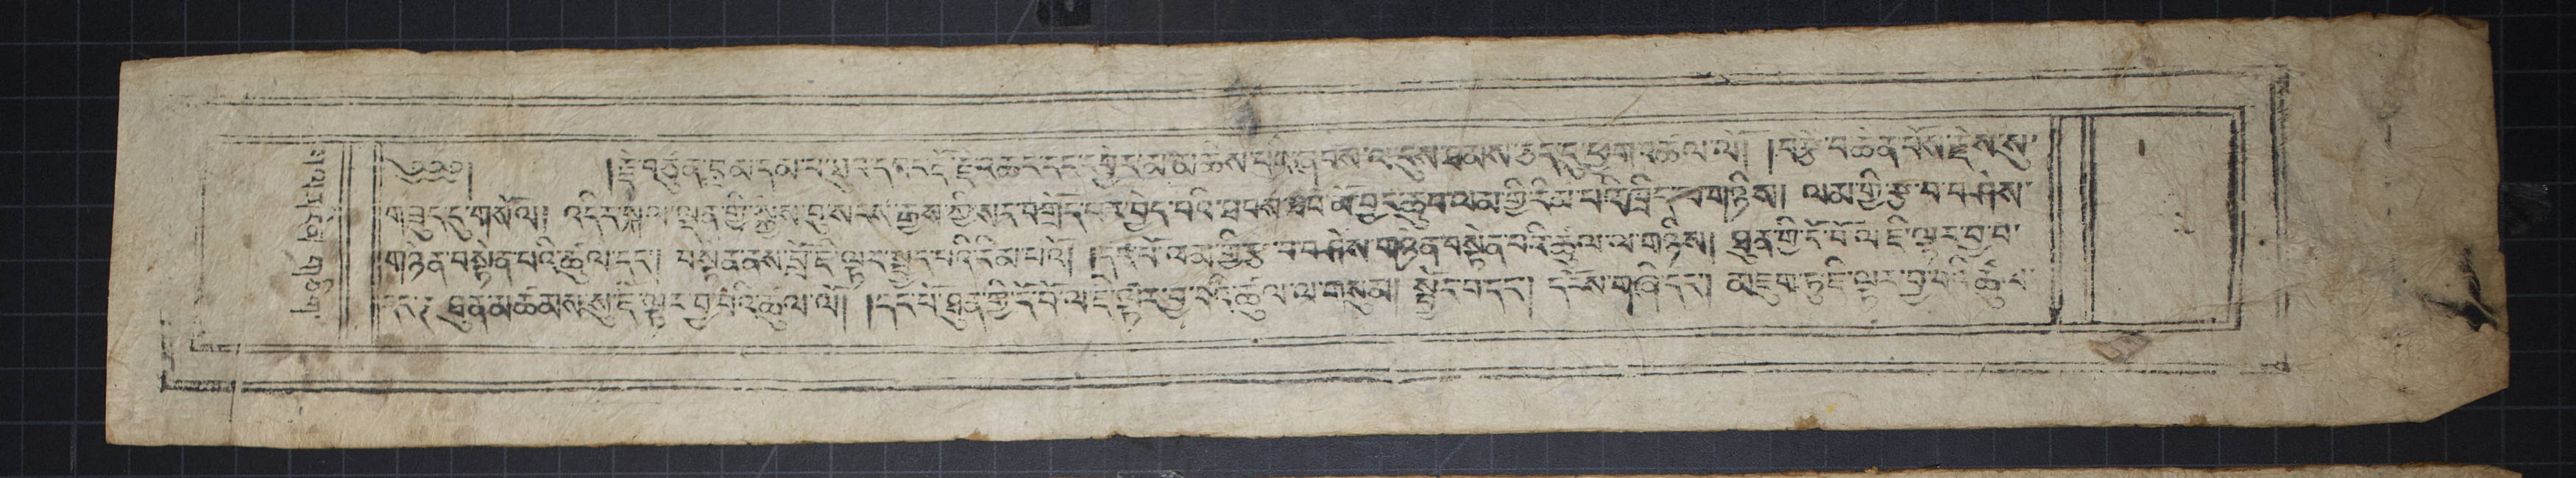༄༅༅། །རྗེ་བཙུན་བླ་མ་དམ་པ་ཐུབ་དབང་རྡོ་རྗེ་འཆང་དང་དབྱེར་མ་མཆིས་པའི་ཞབས་ལ་དུས་ཐམས་ཅད་དུ་ཕྱག་འཚལ་ལོ། །བརྩེ་བ་ཆེན་པོས་རྗེས་སུ་
གཟུང་དུ་གསོལ། འདིར་སྐལ་ལྡན་གྱི་སྐྱེས་བུ་སངས་རྒྱས་ཀྱི་སར་བགྲོད་པར་བྱེད་པའི་ཐབས་ཟབ་མོ་བྱང་ཆུབ་ལམ་གྱི་རིམ་པའི་ཁྲིད་ལ་གཉིས། ལམ་གྱི་རྩ་བ་བཤེས་
གཉེན་བསྟེན་པའི་ཚུལ་དང་། བསྟེན་ནས་བློ་ཇི་ལྟར་སྦྱང་བའི་རིམ་པའོ། །དང་པོ་ལམ་གྱི་རྩ་བ་བཤེས་གཉེན་བསྟེན་པའི་ཚུལ་ལ་གཉིས། ཐུན་གྱི་ངོ་བོ་ལ་ཇི་ལྟར་བྱ་བ་
དང་། ཐུན་མཚམས་སུ་ཇི་ལྟར་བྱ་བའི་ཚུལ་ལོ། །དང་པོ་ཐུན་གྱི་ངོ་བོ་ལ་ཇི་ལྟར་བྱ་བའི་ཚུལ་ལ་གསུམ། སྦྱོར་བ་དང་། དངོས་གཞི་དང་། མཇུག་ཏུ་ཇི་ལྟར་བྱ་བའི་ཚུལ་